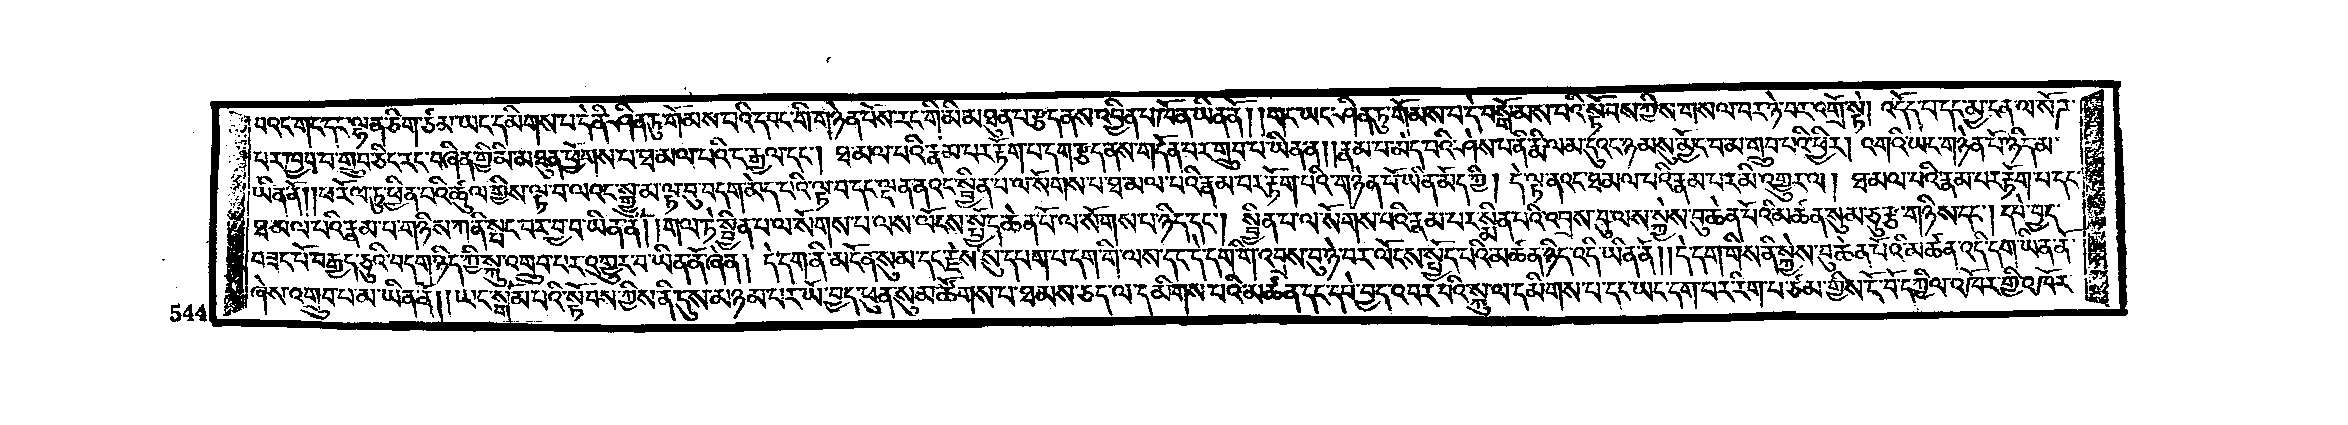བའང་གང་དང་ལྷན་ཅིག་ཙམ་ཡང་དམིགས་པ་དེ་ནི་ཤིན་ཏུ་གོམས་པའི་དབང་གི་གཉེན་པོས་རང་གི་མི་མཐུན་པ་རྩད་ནས་འབྱིན་པ་ཁོ་ན་ཡིན་ནོ། །གང་ཡང་ཤིན་ཏུ་གོམས་པ་དེ་བསྒོམས་པའི་སྟོབས་ཀྱིས་གསལ་བར་ཉེ་བར་འགྲོ་སྟེ། འདོད་པ་དང་མྱ་ངན་ལ་སོགས་
པར་ཁྱབ་པ་གྲུབ་ཅིང་རང་བཞིན་གྱི་མི་མཐུན་ཕྱོགས་པ་ཐ་མལ་པའི་ང་རྒྱལ་དང་། ཐ་མལ་པའི་རྣམ་པར་རྟོག་པ་དག་རྩད་ནས་གདོན་པར་གྲུབ་པ་ཡིན་ན། །རྣམ་པ་མེད་པའི་ཤེས་པ་ནི་རྨི་ལམ་དུའང་ཉམས་སུ་མྱོང་བ་མ་གྲུབ་པའི་ཕྱིར། འགའི་ཡང་གཉེན་པོ་ཉིད་མ་
ཡིན་ནོ། །ཕ་རོལ་ཏུ་ཕྱིན་པའི་ཚུལ་གྱིས་ལྟ་བ་ལའང་སྒྱུ་མ་ལྟ་བུ་བདག་མེད་པའི་ལྟ་བ་དང་ལྡན་ནའང་སྦྱིན་པ་ལ་སོགས་པ་ཐ་མལ་པའི་རྣམ་པར་རྟོག་པའི་གཉེན་པོ་ཡིན་མོད་ཀྱི། དེ་ལྟ་ནའང་ཐ་མལ་པའི་རྣམ་པར་མི་འགྱུར་ལ། ཐ་མལ་པའི་རྣམ་པར་རྟོག་པ་དང་
ཐ་མལ་པའི་རྣམ་པ་གཉིས་ཀ་ནི་སྤང་བར་བྱ་བ་ཡིན་ནོ། །གལ་ཏེ་སྦྱིན་པ་ལ་སོགས་པ་ལས་ལོངས་སྤྱོད་ཆེན་པོ་ལ་སོགས་པ་ཉིད་དང་། སྦྱིན་པ་ལ་སོགས་པའི་རྣམ་པར་སྨིན་པའི་འབྲས་བུ་ལས་སྐྱེས་བུ་ཆེན་པོའི་མཚན་སུམ་ཅུ་རྩ་གཉིས་དང་། དཔེ་བྱད་
བཟང་པོ་བརྒྱད་ཅུའི་བདག་ཉིད་ཀྱི་སྐུ་འགྲུབ་པར་འགྱུར་བ་ཡིན་ནོ་ཞེ་ན། དེ་དག་ནི་མངོན་སུམ་དང་རྗེས་སུ་དཔག་པ་དག་གི་ལས་དང་དེ་དག་གི་འབྲས་བུ་ཉེ་བར་ལོངས་སྤྱོད་པའི་མཚན་ཉིད་འདི་ཡིན་ནོ། །དེ་དག་གིས་ནི་སྐྱེས་བུ་ཆེན་པོའི་མཚན་འདི་དག་ཡིན་ནོ་
ཞེས་འགྲུབ་པ་མ་ཡིན་ནོ། །ཡང་སྒོམ་པའི་སྟོབས་ཀྱིས་ནི་དུས་མཉམ་པར་ཡོ་བྱད་ཕུན་སུམ་ཚོགས་པ་ཐམས་ཅད་ལ་དམིགས་པའི་མཚན་དང་དཔེ་བྱད་འབར་བའི་སྐུ་ལ་དམིགས་པ་དང་ཡང་དག་པར་རིག་པ་ཙམ་གྱིས་ངོ་བོ་དཀྱིལ་འཁོར་གྱི་འཁོར་